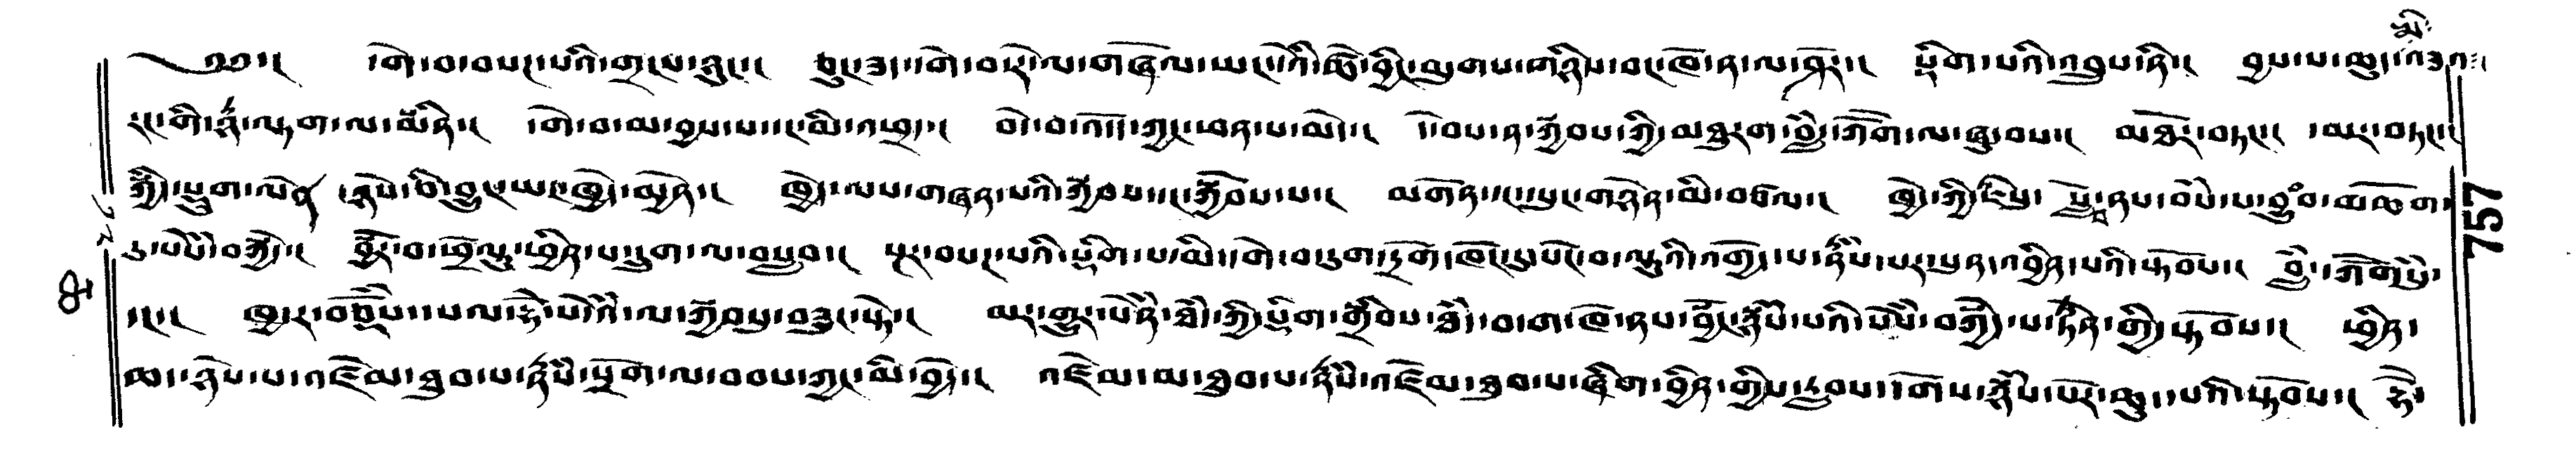དགེ་བ་བསགས་པའི་གྲངས་ཉུང་། ཅུང་ཟད་དགེ་བ་རེ་ལ་གཞོལ་ཡང་དེའི་ཚེ་བྱིང་རྨུགས་གཉིད་དབང་ཁོ་ན་ལ་ཤོར། སྡིག་པའི་འབྲས་བུ་ནི། བྱས་པ་ཆུད་མི་ཟའ་
རང་གི་གཉའ་ལྟག་ལ་སྨིན། དགེ་བ་མ་བྱས་པ་དང་མི་འཕྲད། བདེ་བ་འདོད་ཀྱང་ཕན་པ་མེད། དེ་བས་ན་སྐྱབས་ཀྱི་མཐར་ཐུག་བླ་མ་དཀོན་མཆོག་ལ་ཞུ་བས། མཐོར་བཏང་། དམར་བཏང་། 
སྐྱིད་སྡུག་ལེགས་ཉེས་ཅི་བྱུང་ཡང་ཁྱེད་མཁྱེན། ཁྱེད་ལས་གཞན་པའི་སྐྱབས་དང་སྐྱོབ་པ། མགོན་དང་དཔུང་གཉེན་མི་བཙལ། ཁྱེད་ཀྱི་རྗེས་སུ་སློབ་ནས་བསམ་པ་བྱང་ཆུབ་མཆོག་
ཏུ་སེམས་བསྐྱེད། སྦྱོར་བ་ཕ་རོལ་ཏུ་ཕྱིན་པ་དྲུག་ལ་བསླབ། སྔར་བསགས་པའི་སྡིག་པ་མི་དགེ་བ་དུག་དྲག་པོ་ཁོང་དུ་སོང་བ་ལྟ་བུའི་འགྱོད་པ་རྣམ་པར་སུན་འབྱིན་པའི་སྟོབས། བླ་མ་དཀོན་མཆོག་གསུམ་
དང་། ཁྱད་པར་བཅོམ་ལྡན་འདས་དཔལ་རྡོ་རྗེ་སེམས་དཔའ་ལ་སྐྱབས་སུ་བཟུང་སྟེ། མར་གྱུར་སེམས་ཅན་ཐམས་ཅད་ཀྱི་སྡིག་སྒྲིབ་ཐམས་ཅད་བདག་ཁོ་ནས་སྦྱོང་སྙམ་པའི་སེམས་བསྐྱེད་པ་རྟེན་གྱི་སྟོབས། ཕྱིན་
ཆད་ཉེས་པ་འཛེམ་ཐུབ་པ་རྣམས་སྲོག་ལ་བབས་ཀྱང་མི་བྱེད། འཛེམ་མ་ཐུབ་པ་རྣམས་འཛེམ་ཐུབ་པ་ཞིག་བྱིན་གྱིས་བརླབ་དགོས་སྙམ་སོར་ཆུད་པའི་སྟོབས། རྡོ་རྗེ་